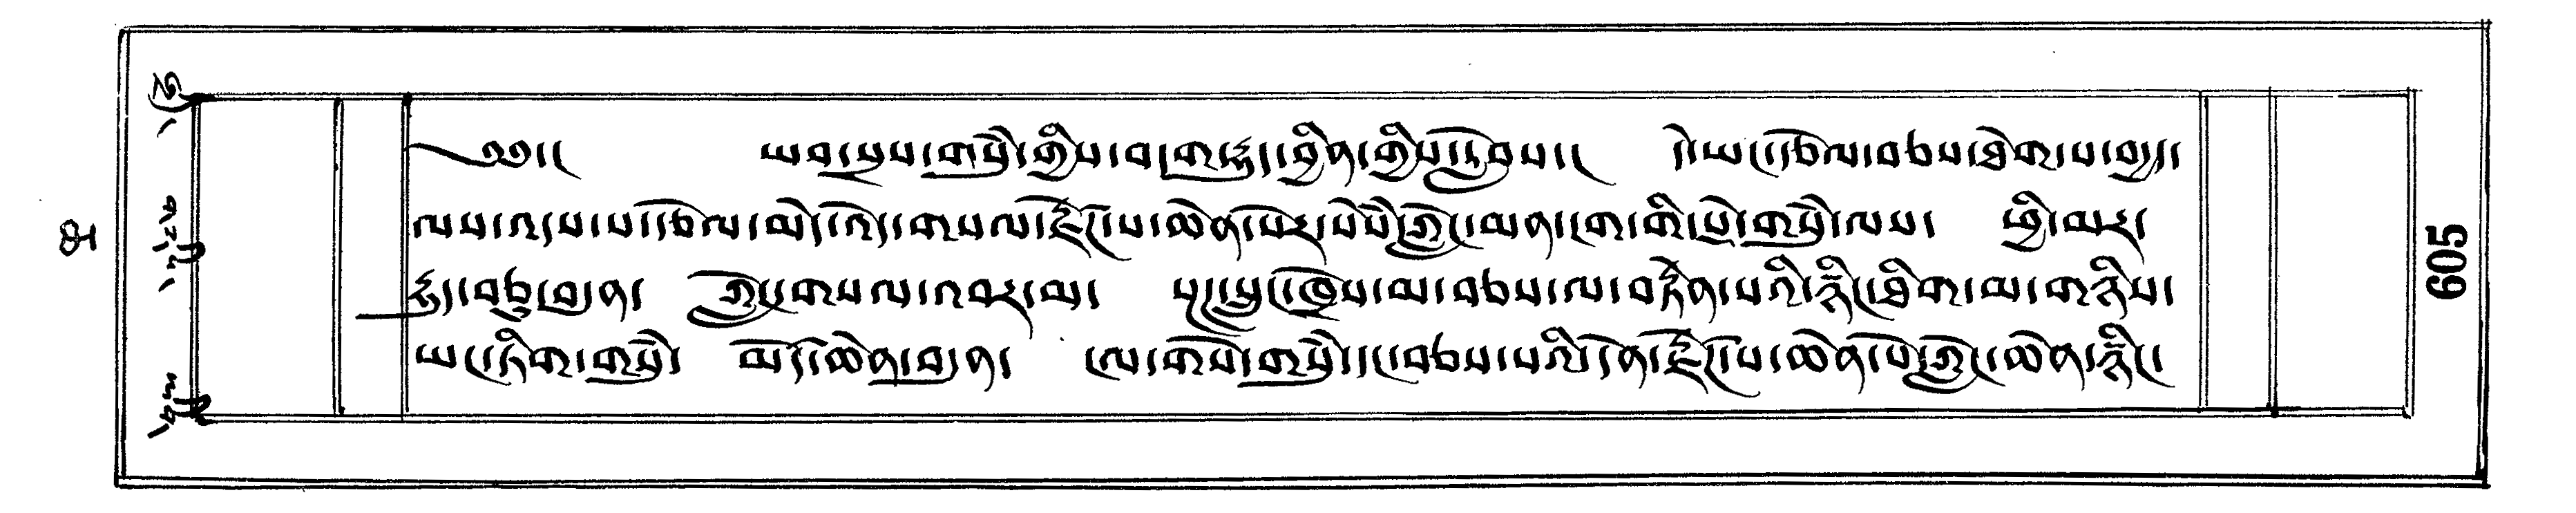།ཡབ་སྲས་གསུམ་གྱིས་བདག་རྒྱུད་བྱིན་གྱིས་རློབས། དེ་ཡང་རྩོལ་བཅས་ཐེག་པ་བརྒྱད་
ལས་འདས་པ་རྩོལ་མེད་འོད་གསལ་རྫོགས་པ་ཆེན་པོར་སེམས་ཀློང་མན་ངག་གི་སྡེ་གསུམ་ལས། ཕྱི་མར་
རྒྱུད་བཅུ་བདུན། ཀློང་གསལ་འབར་མ། སྔགས་སྲུང་ཁྲོས་མ་བཅས་ལ་བརྟེན་པའི་སྙིང་ཐིག་མ་གཉིས། 
ཡང་ཏིག་གསུམ། མཛོད་ཆེན་བདུན། ངལ་གསོ་གསུམ་དང་བཅས་པའི་དོན་རྫོགས་པ་ཆེན་པོ་ཀློང་ཆེན་སྙིང་